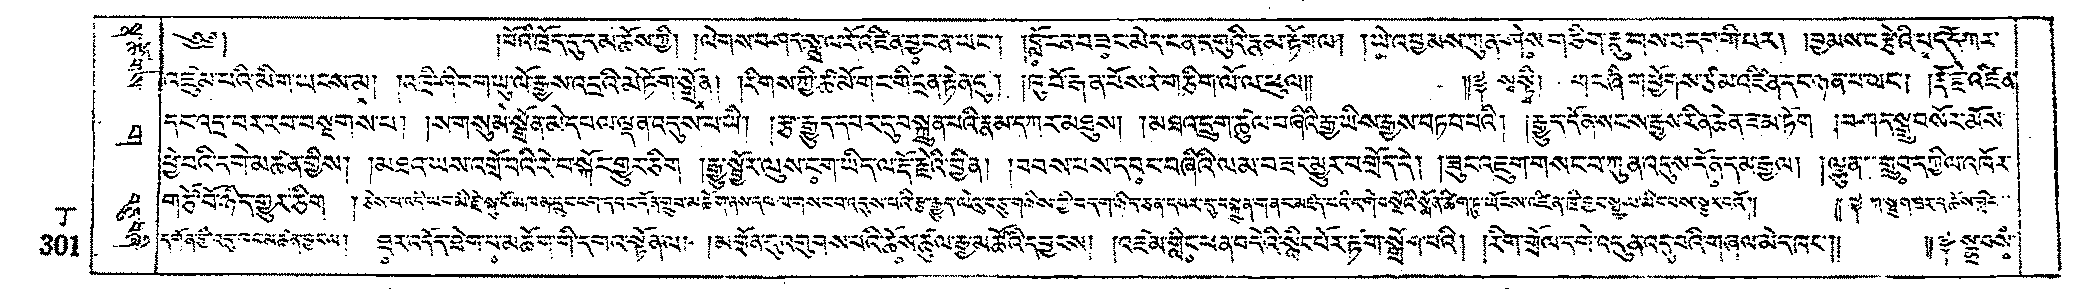༄༅། །བོའི་ཁྲོད་དུ་དམ་ཆོས་ཀྱི། །ལེགས་བཤད་སྨྲ་ལ་རོ་འཛིན་བྱང྾་ན་ཡང་། །བློ྾་ངན་བཟང྾་མེད་ངན་དགུའི་རྣམ་རྟོག་ལ། །ཡེ྾་འབྱམས་ཀུན་ཤེས྾་གཅིག་རྡུགས་བདག་གི་པར། །བྱམས་བརྩེའི་པད་དཀར་
འཛུམ་པའི་མིག་ཡངས་མ྾། །འཁྲི་ཤིང་གཡུ྾་ལོ་རྒྱས་འདྲའི་མེ་ཏོག་སྒྲོན྾། །རིགས་ཀྱི་ཚ་མོ་གང་གི་དྲན་རྟེན་དུ། །ཁུ་བོ་རྒན་པོས་རེ་གཅིག་ལོ་ལ་ཕུལ།། །།འ་སྭསྟྭི། གང་ཞིག་ཕྱོགས་ཙམ་འཛིན་དང་ཉན་པ་ཡང་། །རྡོ་རྗེ་འཛིན་
དང་འདྲ་པར་རབ་བསྔགས་པ། །ས་གསུམ་སྒྲོན་མེ་དཔལ་ལྡན་འདུས་པ་ཡི། །རྩ་རྒྱུད་དཔར་དུ་བསྐྲུན་པའི་རྣམ་དཀར་མཐུས། །མཐའ་དྲུག་ཚུལ་བཞིའི་རྒྱ་ཡིས་རྒྱས་བཏབ་པའི། །རྒྱུད་དོན་སངས་རྒྱས་རིན་ཆེན་ཟ་མ་ཏོག །བཤད་སྒྲུབ་སོར་མོས་
ཕྱེ་བའི་དགེ་མཚན་གྱིས། །མཐའ་ཡས་འགྲོ་བའི་རེ་བ་སྐོང་གྱུར་ཅིག །རྒྱུ་སྦྱོར་ལུས་ངག྾་ཡིད་ལ་རྡོ་རྗེའི་བྱིན། །བབས་པས་དབང྾་བཞིའི་ལམ་བཟང་མྱུར་བགྲོད་དེ། །ཟུང་འཇུག་གསང་བ་ཀུན་འདུས་དོན྾་དམ་རྒྱལ། །ལྷུན་གྲུབ྾་དཀྱིལ་འཁོར་
གཙོ་བོ་ཉིད་གྱུར་ཅིག །ཅེས་པ་འདི་ཡང་མི་རྗེ་སྐུ་ངོ་མཁན་དྲུང་ངག་དབང་དོན་གྲུབ་མཆོག་ནས་དཔལ་གསང་བ་འདུས་པའི་རྩ་རྒྱུད་ལེའུ་བཅུག་ཉིས་ཀྱི་བདག་ཉིད་ཅན་དཔར་དུ་བསྐྲུན་གནང་མཛད་པའི་དགེ་བསྔོའི་སྨོན་ཚིག་ཏུ་ཡོངས་འཛིན་ཁྲི་བྱང་སྤྲུལ་མིང་དཔས་སྦྱར་བའོ།། །། འ་ཀ་སྦུག་ཐར་པ་ཆོས་གླིང་་་
དགོན་གྱི་འདུ་ཁང་མཚན་བྱང་ལ། ཐར྾་འདོད་ཐེག་པ྾་མཆོག་གི་དགའ་སྟོན་ལ། །མགྲོན་དུ་འགུགས་པའི་ཆོས྾་ཚུལ་རྒྱ་མཚོའི་དབྱངས། །འཛམ་གླིང྾་ཕན་བདེའི་སྙིང་པོར་རྟོག་སྒྲོག་པའི། །རིག་གྲོལ་དགེ་འདུན་འདུ་བའི་གཞལ་མེད་ཁང།། །།འ་སྨྲ་བསཾ྾་